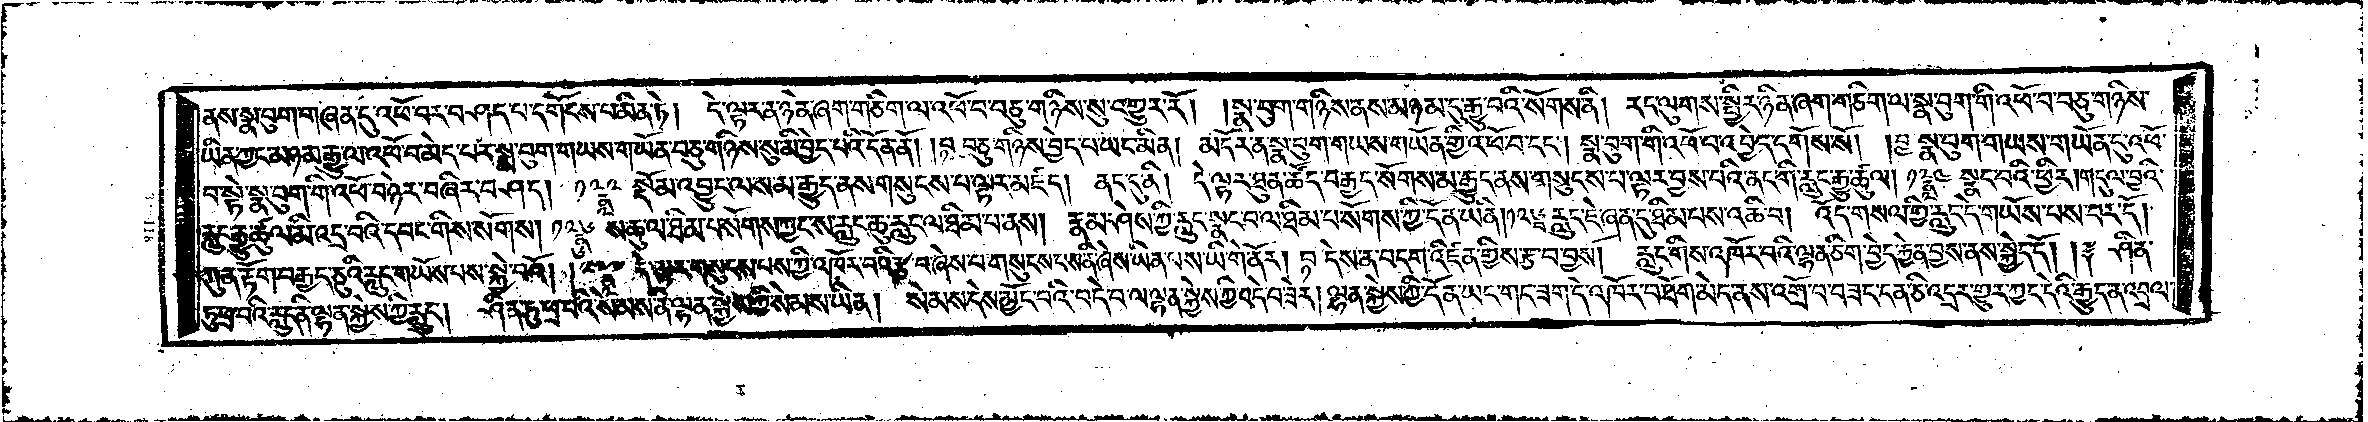ནས་སྣ་བུག་གཞན་དུ་འཕོ་བར་བཤད་པ་དགོངས་པ་མིན་ཏེ། དེ་ལྟར་ན་ཉེན་ཞག་གཅིག་ལ་འཕོ་བ་བཅུ་གཉིས་སུ་འགྱུར་རོ། །སྣ་བུག་གཉིས་ནས་མཉམ་དུ་རྒྱུ་བའི་སོགས་ནི། རང་ལུགས་སྤྱིར་ཉིན་ཞག་གཅིག་ལ་སྣ་བུག་གི་འཕོ་བ་བཅུ་གཉིས་
ཡིན་ཀྱང་མཉམ་རྒྱུ་ལ་འཕོ་བ་མེད་པར་སྣ་བུག་གཡས་གཡོན་བཅུ་གཉིས་སུ་མི་བྱེད་པའི་དོན་ནོ། །བ་བཅུ་གཉིས་བྱེད་པ་ཡང་མིན། མདོར་ན་སྣ་བུག་གཡས་གཡོན་གྱི་འཕོ་བ་དང་། སྣ་བུག་གི་འཕོ་བ་འབྱེད་དགོས་སོ། །བྱ་སྣ་བུག་གཡས་གཡོན་དུ་འཕོ་
བ་སྟེ་སྣ་བུག་གི་འཕོ་བ་ཉེར་བཞིར་བཤད། ༡༢༢་སྡོམ་འབྱུང་ལས་མ་རྒྱུད་ནས་གསུངས་པ་ལྟར་མཛད། ནང་དུ་ནི། དེ་ལྟར་ཐུན་ཚོད་བརྒྱུད་སོགས་མ་རྒྱུད་ནས་གསུངས་པ་ལྟར་བྱས་པའི་ནང་གི་རླུང་རྒྱུ་ཚུལ། ༡༢༤་སྣང་བའི་ཕྱིར། གདུལ་བྱའི་
རླུང་རྒྱུ་ཚུལ་མི་འདྲ་བའི་དབང་གིས་སོགས། ༡༢༦་ས་ཆུ་ལ་ཐིམ་པ་སོགས་ཀྱང་ས་རླུང་ཆུ་རླུང་ལ་ཐིམ་པ་ནས། རྣམ་ཤེས་ཀྱི་རླུང་སྣང་བ་ལ་ཐིམ་པ་སོགས་ཀྱི་དོན་ཡིན། ༡༢༦་རླུང་ཇེ་ཞན་དུ་ཐིམ་པས་འཆི་བ། འོད་གསལ་གྱི་རླུང་དེ་གཡོས་པས་བར་དོ།
ཀུན་རྟོག་བརྒྱད་ཅུའི་རླུང་གཡོས་པས་སྐྱེ་བའོ། །༢༢༧་དེ་ལྟར་གསུངས་པས་ཀྱི་འཁོར་བའི་རྩ་བ་ཞེས་པ་གསུངས་པས་ནི་ཞེས་ཡིན་པས་ཡི་གེ་ནོར། བ་དེས་ན་བདག་འཛིན་གྱིས་རྩ་བ་བྱས། རླུང་གིས་འཁོར་བའི་ལྷན་ཅིག་བྱེད་རྐྱེན་བྱས་ནས་སྐྱེད་དོ། །༈ ཤིན་
ཏུ་ཕྲ་བའི་རླུང་ནི་ལྷན་སྐྱེས་ཀྱི་རླུང་། ཤིན་ཏུ་ཕྲ་བའི་སེམས་ནི་ལྷན་སྐྱེས་ཀྱི་སེམས་ཡིན། སེམས་དེས་མྱོང་བའི་བདེ་བ་ལ་ལྷན་སྐྱེས་ཀྱི་བདེ་བ་ཟེར། ལྷན་སྐྱེས་ཀྱི་དོན་ཡང་གང་ཟག་དེ་འཁོར་བ་ཐོག་མེད་ནས་འགྲོ་བ་བཟང་ངན་ཅི་འདྲར་གྱུར་ཀྱང་དེའི་རྒྱུད་ན་འབྲལ་